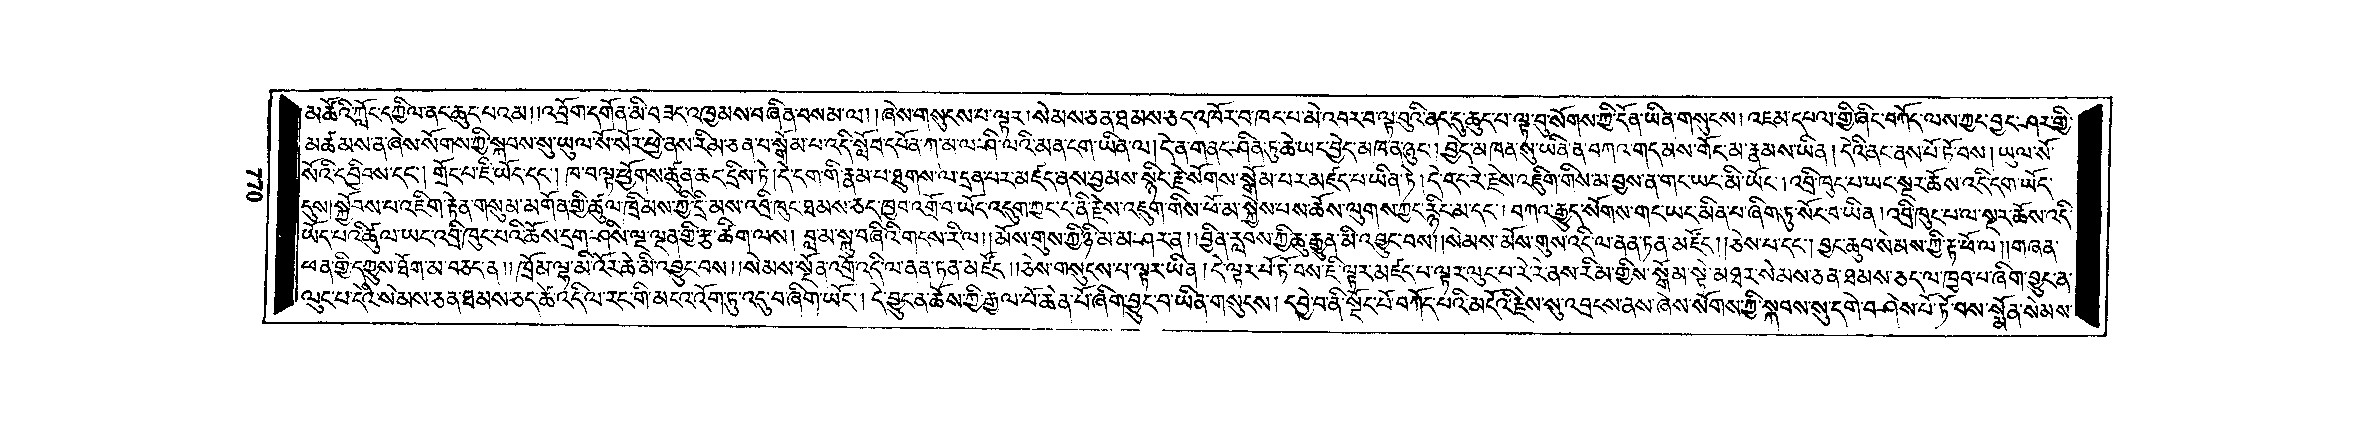མཚོའི་ཀློང་དཀྱིལ་ནང་ཆུད་པའམ། །འབྲོག་དགོན་མི་བཟད་འཁྱམས་བཞིན་བསམ་ལ། །ཞེས་གསུངས་པ་ལྟར། སེམས་ཅན་ཐམས་ཅད་འཁོར་བ་ཁང་པ་མེ་འབར་བ་ལྟ་བུའི་ནང་དུ་ཆུད་པ་ལྟ་བུ་སོགས་ཀྱི་དོན་ཡིན་གསུངས། འཇམ་དཔལ་གྱི་ཞིང་བཀོད་ལས་ཀྱང་བྱང་ཤར་གྱི་
མཚམས་ན་ཞེས་སོགས་ཀྱི་སྐབས་སུ་ཡུལ་སོ་སོར་ཕྱེ་ནས་རིམ་ཅན་པ་སྒོམ་པ་འདི་སློབ་དཔོན་ཀ་མ་ལ་ཤི་ལའི་མན་ངག་ཡིན་ལ། དེ་ན་གནང་ཤིན་ཏུ་ཆེ་ཡང་བྱེད་མཁན་ཉུང་། བྱེད་མཁན་སུ་ཡིན་ན་བཀའ་གདམས་གོང་མ་རྣམས་ཡིན། དེའི་ནང་ནས་པོ་ཏོ་བས། ཡུལ་སོ་
སོའི་དབྱིབས་དང་། གྲོང་པ་ཇི་ཡོད་དང་། ཁ་བལྟ་ཕྱོགས་ཚུན་ཆད་དྲིས་ཏེ། དེ་དག་གི་རྣམ་པ་ཐུགས་ལ་དྲན་པར་མཛད་ནས་བྱམས་སྙིང་རྗེ་སོགས་སྒོམ་པར་མཛད་པ་ཡིན་ཏེ། དེ་རང་རེ་རྗེས་འཇུག་གིས་མ་བྱས་ན་གང་ཡང་མི་ཡོང་། འབྲི་ཁུང་པ་ཡང་སྔར་ཆོས་འདི་དག་ཡོད་
དུས། སྐྱོབས་པ་འཇིག་རྟེན་གསུམ་མགོན་གྱི་ཚུལ་ཁྲིམས་ཀྱི་དྲི་མས་འབྲི་ཁུང་ཐམས་ཅད་ཁྱབ་འགྲོ་བ་ཡོད་འདུག་ཀྱང་ད་ནི་རྗེས་འཇུག་གིས་ཕོ་མ་སྐྱེས་པས་ཆོས་ལུགས་ཀྱང་རྙིང་མ་དང་། བཀའ་རྒྱུད་སོགས་གང་ཡང་མིན་པ་ཞིག་ཏུ་སོང་བ་ཡིན། འབྲི་ཁུང་པ་ལ་སྔར་ཆོས་འདི་
ཡོད་པའི་ཚུལ་ཡང་འབྲི་ཁུང་པའི་ཆོས་དྲག་ཤིས་ལྔ་ལྡན་གྱི་རྩ་ཚིག་ལས། བླ་མ་སྐུ་བཞིའི་གངས་རི་ལ། །མོས་གུས་ཀྱི་ཉི་མ་མ་ཤར་ན། །བྱིན་རླབས་ཀྱི་ཆུ་རྒྱུན་མི་འབྱུང་བས། །སེམས་མོས་གུས་འདི་ལ་ནན་ཏན་མཛོད། །ཅེས་པ་དང་། བྱང་ཆུབ་སེམས་ཀྱི་རྟ་ཕོ་ལ། །གཞན་
ཕན་གྱི་དཀྱུས་ཐོག་མ་བཅད་ན། །ཁྲོམ་ལྷ་མི་འོར་ཆེ་མི་འབྱུང་བས། །སེམས་སྔོན་འགྲོ་འདི་ལ་ནན་ཏན་མཛོད། །ཅེས་གསུངས་པ་ལྟར་ཡིན། དེ་ལྟར་པོ་ཏོ་བས་ཇི་ལྟར་མཛད་པ་ལྟར་ལུང་པ་རེ་རེ་ནས་རིམ་གྱིས་སྒོམ་སྟེ་མཐར་སེམས་ཅན་ཐམས་ཅད་ལ་ཁྱབ་པ་ཞིག་བྱུང་ན་
ལུང་པ་དེའི་སེམས་ཅན་ཐམས་ཅད་ཚེ་འདི་ལ་རང་གི་མངའ་འོག་ཏུ་འདུ་བ་ཞིག་ཡོང་། དེ་བྱུང་ན་ཆོས་ཀྱི་རྒྱལ་པོ་ཆེན་པོ་ཞིག་བྱུང་བ་ཡིན་གསུངས། དབྱེ་བ་ནི་སྡོང་པོ་བཀོད་པའི་མདོའི་རྗེས་སུ་འབྲངས་ནས་ཞེས་སོགས་ཀྱི་སྐབས་སུ་དགེ་བཤེས་པོ་ཏོ་བས་སྨོན་སེམས་